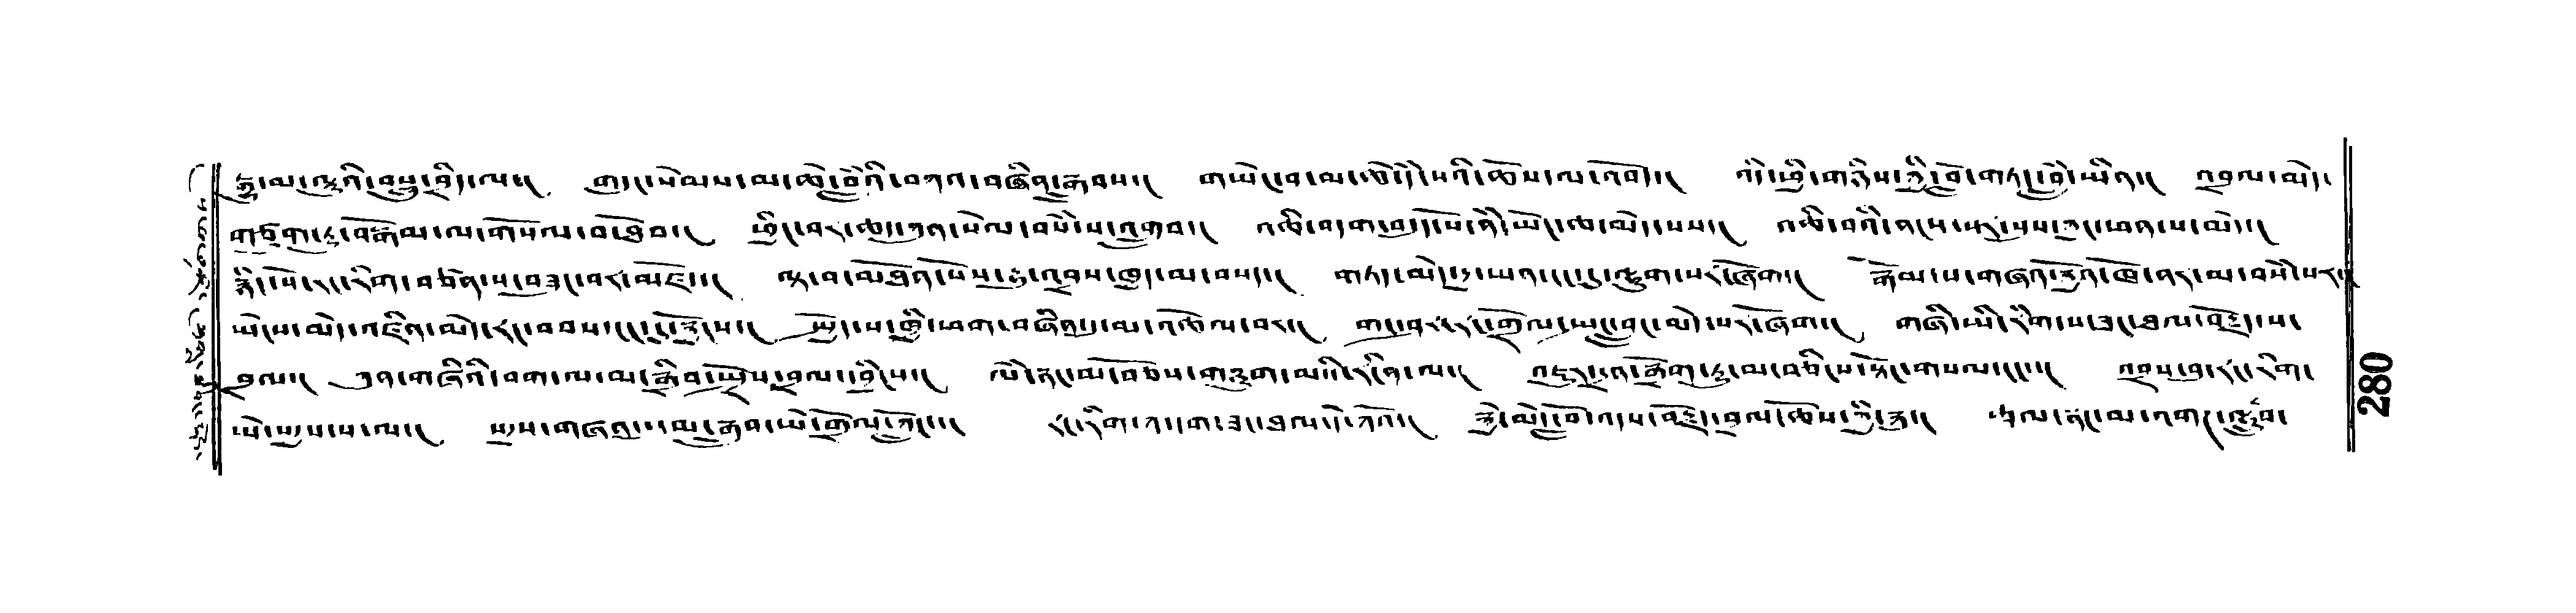སྒྱུ་མ་ལྟ་བུའི་བསླུ་བྲིད་ལ། །གདུང་སེམས་མ་ཆ་བླ་མའི་བཀའ་བཞིན་སྒྲུབས། །གཡེང་བ་མ་ཆེ་དམ་པའི་ཆོས་ལ་འབུངས། །འདི་ཕྱི་གཉིས་ཀྱི་བློ་གཏད་བླ་མ་ཡིན། །འབྲལ་མེད་
གཙུག་ཏུ་བསྒོམ་ལ་གསོལ་བ་ཐོབ། །ཕྱི་ནང་བར་ཆད་ཀུན་སེལ་བསམ་པ་འགྲུབ། །འཆི་བདག་བདུད་པོ་ནམ་ཡོང་ཆ་མེད་པས། །འཆི་བའི་ནངས་པར་སུས་ཀྱང་ཕན་པ་མེད། །
སྙིང་པོ་རང་རིག་བཙན་ས་བཟུང་བར་མཛོད། །ལྟ་བ་མཐོན་པོས་རྒྱུ་འབྲས་ཁྱད་མ་གསོད། །གཏད་མེད་རྒྱ་ཡན་ངང་དུ་ལྷུག་པར་ཞོག །སྒོམ་པ་གཞན་སྐྱོན་ཁོ་ནར་མ་བསམ་པར། །
ཡེངས་མེད་འཛིན་མེད་རང་བབས་ངང་དུ་སྐྱོངས། །སྤྱོད་པ་ཁྱི་ཕག་བཞིན་དུ་མ་འཆོལ་བར། །གང་ཤར་རང་གྲོལ་སྤང་བླང་མེད་པར་ཞོག །གཞི་ཡི་རིག་པ་ཟང་ཐལ་བརྗོད་པ་
བྲལ། །ཀུན་གཞིའི་བག་ལ་མ་སྒྲིབ་སྤྲོས་བྲལ་དབྱིངས། །ལམ་སྣང་མ་བཅོས་གཉུག་མའི་རང་བཞིན་ལ། །འཇུར་དྲན་སྒྲོག་ཏུ་མ་བཅིངས་སྟོང་གསལ་ངང་། །འབྲས་བུ་རང་རིག་
ཡེ་སངས་རྒྱས་པ་ལ། །སངས་རྒྱས་གཞན་དུ་མ་སྒྲུབ་ཡེ་གྲོལ་ཀློང་། །རང་རིག་ཀ་དག་ཟང་ཐལ་དེ་ཀའོ། །སྐྱེ་མེད་བློ་འདས་བརྗོད་བྲལ་ཆོས་ཀྱི་སྐུ། །རྩལ་སྣང་མ་འགགས་ལྷུན་གྲུབ་